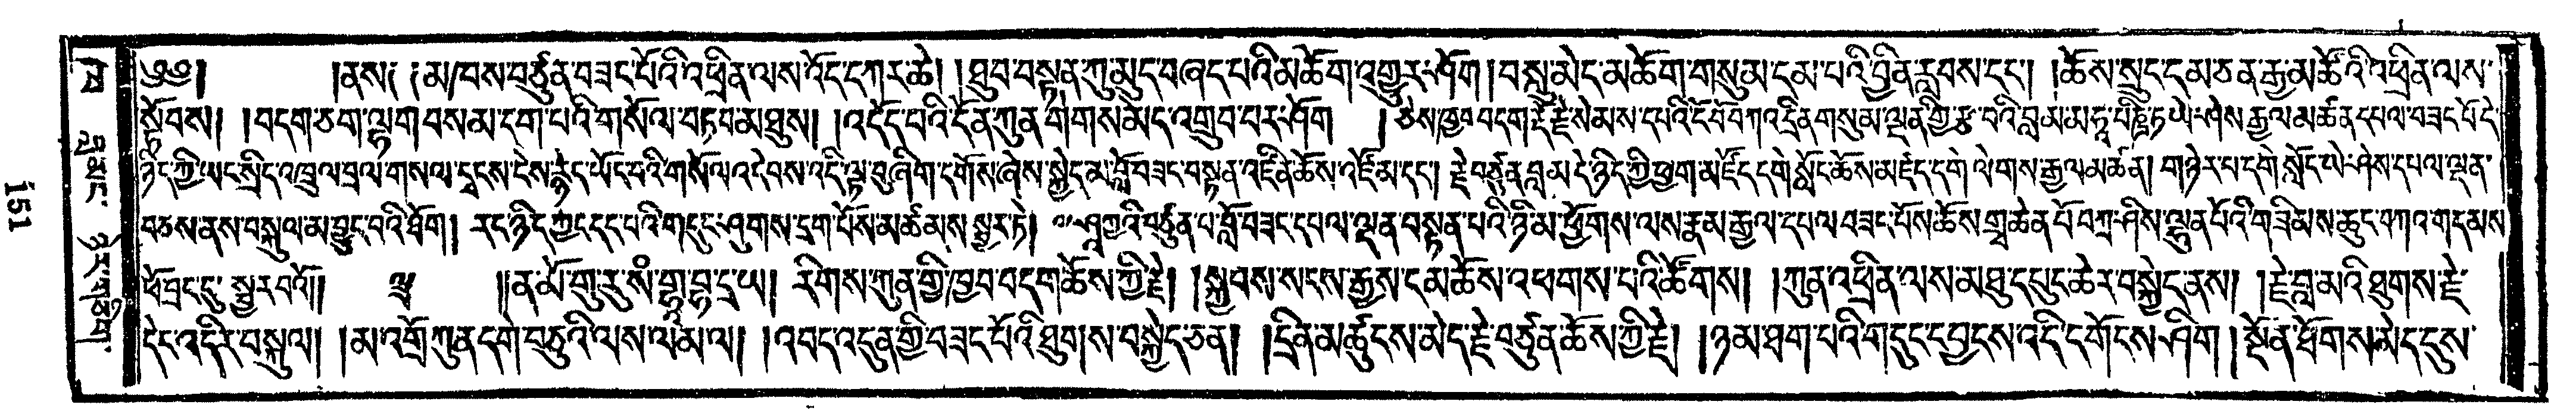༄༅། །ནས༑ ༑མཁས་བཙུན་བཟང་པོའི་འཕྲིན་ལས་འོད་དཀར་ཆེ། །ཐུབ་བསྟན་ཀུ་མུད་བཞད་པའི་མཆོག་འགྱུར་ཤོག །བསླུ་མེད་མཆོག་གསུམ་དམ་པའི་བྱིན་རླབས་དང་། །ཆོས་སྲུང་དམ་ཅན་རྒྱ་མཚོའི་འཕྲིན་ལས་
སྟོབས། །བདག་ཅག་ལྷག་བསམ་དག་པའི་གསོལ་བཏབ་མཐུས། །འདོད་པའི་དོན་ཀུན་གེགས་མེད་འགྲུབ་པར་ཤོག །ཅེས་ཁྱབ་བདག་རྡོ་རྗེ་སེམས་དཔའི་ངོ་བོ་བཀའ་དྲིན་གསུམ་ལྡན་གྱི་རྩ་བའི་བླ་མ་མཧཱ་པཎྜི་ཏ་ཡེ་ཤེས་རྒྱལ་མཚན་དཔལ་བཟང་པོ་དེ་
ཉིད་ཀྱི་ཡང་སྲིད་འཁྲུལ་བྲལ་གསལ་དྭངས་ངེས་རྙེད་ཡོང་བའི་གསོལ་འདེབས་འདི་ལྟ་བུ་ཞིག་དགོས་ཞེས་སྐྱེད་མ་བློ་བཟང་བསྟན་འཛིན་ཆོས་འཛོམ་དང་། རྗེ་བཙུན་བླ་མ་དེ་ཉིད་ཀྱི་ཕྱག་མཛོད་དགེ་སློང་ཆོས་མཛད་དགེ་ལེགས་རྒྱལ་མཚན། གཉེར་པ་དགེ་སློང་ཡེ་ཤེས་དཔལ་ལྡན་
བཅས་ནས་བསྐུལ་མ་བྱུང་བའི་ཐོག། རང་ཉིད་ཀྱང་དད་པའི་གདུང་ཤུགས་དྲག་པོས་མཚམས་སྦྱར་ཏེ། ༧་ཤཱཀྱའི་བཙུན་པ་བློ་བཟང་དཔལ་ལྡན་བསྟན་པའི་ཉི་མ་ཕྱོགས་ལས་རྣམ་རྒྱལ་དཔལ་བཟང་པོས་ཆོས་གྲྭ་ཆེན་པོ་བཀྲ་ཤིས་ལྷུན་པོའི་གཟིམས་ཆུང་བཀའ་གདམས་
ཕོ་བྲང་དུ་སྦྱར་བའོ།། ༈ །།ན་མོ་གུ་རུ་སཾ་གྷཱ་བྷ་དྲ་ཡ། རིགས་ཀུན་གྱི་ཁྱབ་བདག་ཆོས་ཀྱི་རྗེ། །སྐྱབས་སངས་རྒྱས་དམ་ཆོས་འཕགས་པའི་ཚོགས། །ཀུན་འཕྲིན་ལས་མཐུ་དཔུང་ཆེར་བསྐྱེད་ནས། །རྗེ་བླ་མའི་ཐུགས་རྗེ་
དེང་འདིར་བསྐུལ། །མ་འགྲོ་ཀུན་དགེ་བཅུའི་ལས་ལམ་ལ། །འབད་འདུན་གྱི་བཟང་པོའི་ཐུགས་བསྐྱེད་ཅན། །དྲིན་མཚུངས་མེད་རྗེ་བཙུན་ཆོས་ཀྱི་རྗེ། །ཉམ་ཐག་པའི་གདུང་དབྱངས་འདི་དགོངས་ཤིག །སྔོན་ཐོགས་མེད་དུས་